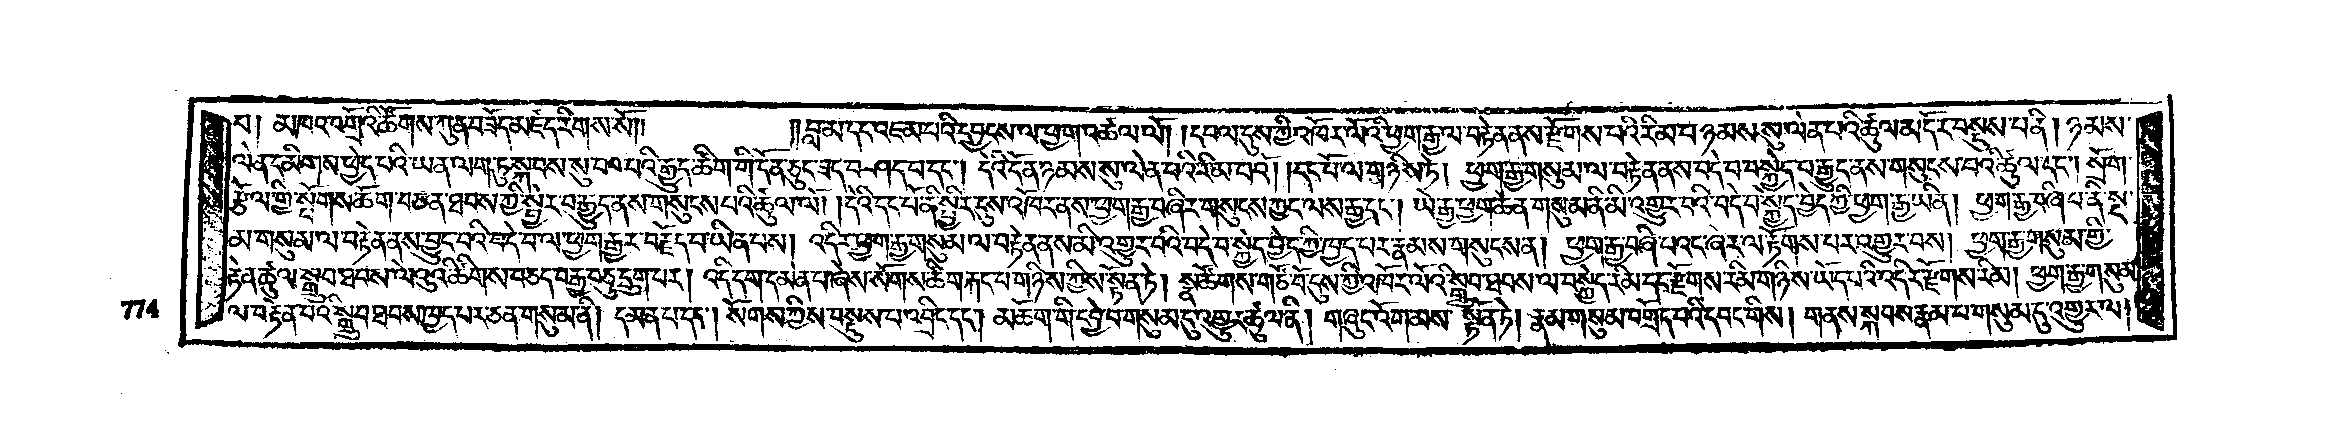པ། མཁའ་འགྲོའི་ཚོགས་ཀུན་བཟོད་མཛད་རིགས་སོ།། །།བླ་མ་དང་འཇམ་པའི་དབྱངས་ལ་ཕྱག་འཚལ་ལོ། །དཔལ་དུས་ཀྱི་འཁོར་ལོའི་ཕྱག་རྒྱ་ལ་བརྟེན་ནས་རྫོགས་པའི་རིམ་པ་ཉམས་སུ་ལེན་པའི་ཚུལ་མདོར་བསྡུས་པ་ནི། ཉམས་
ལེན་དམིགས་ཕྱེད་པའི་ཡན་ལག་ཏུ་སྐབས་སུ་བབ་པའི་རྒྱུད་ཚིག་གི་དོན་ཅུང་ཟད་བཤད་པ་དང་། དེའི་དོན་ཉམས་སུ་ལེན་པའི་རིམ་པའོ། །དང་པོ་ལ་གཉིས་ཏེ། ཕྱག་རྒྱ་གསུམ་ལ་བརྟེན་ནས་བདེ་བ་བསྐྱེད་པ་རྒྱུད་ནས་གསུངས་པའི་ཚུལ་དང་། སྲོག་
རྩོལ་གྱི་སྤོགས་ཚིག་བཙན་ཐབས་ཀྱི་སྦྱོར་བ་རྒྱུད་ནས་གསུངས་པའི་ཚུལ་ལོ། །དེའི་དང་པོ་ནི་སྤྱིར་དུས་འཁོར་ནས་ཕྱག་རྒྱ་བཞིར་གསུངས་ཀྱང་ལས་རྒྱ་དང་། ཡེ་རྒྱ་ཕྱག་ཆེན་གསུམ་ནི་མི་འགྱུར་བའི་བདེ་བ་སྐྱེད་བྱེད་ཀྱི་ཕྱག་རྒྱ་ཡིན། ཕྱག་རྒྱ་བཞི་པ་ནི་སྔ་
མ་གསུམ་ལ་བརྟེན་ནས་བྱུང་བའི་བདེ་བ་ལ་ཕྱག་རྒྱར་བརྗོད་པ་ཡིན་པས། འདིར་ཕྱག་རྒྱ་གསུམ་ལ་བརྟེན་ནས་མི་འགྱུར་བའི་བདེ་བ་སྐྱེད་བྱེད་ཀྱི་ཁྱད་པར་རྣམས་གསུངས་ན། ཕྱག་རྒྱ་བཞི་པའང་ཞར་ལ་རྟོགས་པར་འགྱུར་བས། ཕྱག་རྒྱ་གསུམ་གྱི་
རྟེན་ཚུལ་སྒྲུབ་ཐབས་ལེའུའི་ཚིགས་བཅད་བརྒྱ་བཅུ་དྲུག་པར། འདི་དག་དམན་པ་ཞེས་སོགས་ཚིག་རྐང་པ་གཉིས་ཀྱིས་སྟོན་ཏེ། སྣ་ཚོགས་གཙོ་བོ་དུས་ཀྱི་འཁོར་ལོའི་སྒྲུབ་ཐབས་ལ་བསྐྱེད་རིམ་དང་རྫོགས་རིམ་གཉིས་ཡོད་པའི་འདིར་རྫོགས་རིམ། ཕྱག་རྒྱ་གསུམ་
ལ་བརྟེན་པའི་སྒྲུབ་ཐབས་ཁྱད་པར་ཅན་གསུམ་ནི། དམན་པ་དང་། སོགས་ཀྱིས་བསྡུས་པ་འབྲིང་དང་། མཆོག་གི་དབྱེ་བ་གསུམ་དུ་འགྱུར་ཚུལ་ནི། གཞུང་འོག་མས་སྟོན་ཏེ། རྣམ་གསུམ་བགྲོད་པའི་དབང་གིས། གནས་སྐབས་རྣམ་པ་གསུམ་དུ་འགྱུར་ལ།